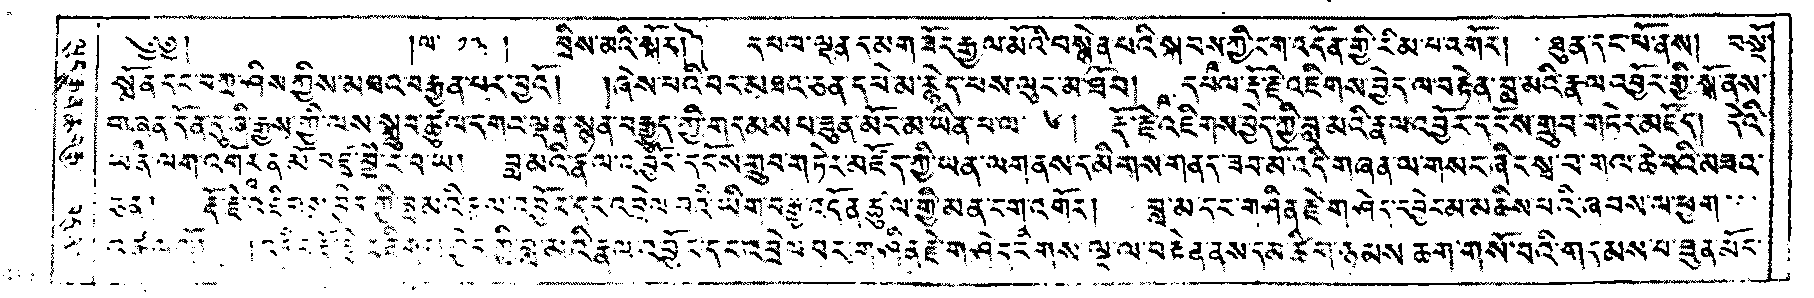༄༅། །ལ ༡༣། བྲིས་མའི་སྐོར།?་དཔལ་ལྡན་དམག་ཟོར་རྒྱལ་མོའི་བསྙེན་པའི་སྐབས་ཀྱི་ངག་འདོན་གྱི་རིམ་པ་འགོར། ཐུན་དང་པོ་ནས། བསྔོ་
སྨོན་དང་བཀྲ་ཤིས་ཀྱིས་མཐའ་བརྒྱན་པར་བྱའོ། །ཞེས་པའི་བར་མཐའ་ཅན་དཔེ་མ་རྙེད་པས་ལུང་མ་ཐོབ། དཔལ་ཁ་རྡོ་རྗེ་འཇིགས་བྱེད་ལ་བརྟེན་བླ་མའི་རྣལ་འབྱོར་གྱི་སྒོ་ནས་
གཞན་དོན་དུ་ཞི་རྒྱས་ཀྱི་ལས་སྒྲུབ་ཚུལ་དགའ་ལྡན་སྙན་བརྒྱུད་ཀྱི་གདམས་པ་ཐུན་མོང་མ་ཡིན་པ་ལ ༦། རྡོ་རྗེ་ཁ་འཇིགས་བྱེད་ཀྱི་བླ་མའི་རྣལ་འབྱོར་དངོས་གྲུབ་གཏེར་མཛོད། དེའི་
ཡན་{ཁ}་ལག་འགོར་ན་མོ་བཛྲ་བྷཻ་ར་བ་ཡ། བླ་མའི་རྣལ་འབྱོར་དངོས་གྲུབ་གཏེར་མཛོད་ཀྱི་ཡན་ལག་ནས་དམིགས་གནད་ཟབ་མོ་འདི་གཞན་ལ་གསང་ཞིང་སྦ་བ་གལ་ཆེ་བའི་མཐའ་
ཅན། རྡོ་རྗེ་{ཁ}་འཇིགས་བྱེད་ཀྱི་བླ་མའི་རྣལ་འབྱོར་དང་འབྲེལ་བའི་ཡིག་བརྒྱ་འདོན་ཚུལ་གྱི་མན་ངག་འགོར། བླ་མ་དང་གཤིན་རྗེ་གཤེད་དབྱེར་མ་མཆིས་པའི་ཞབས་ལ་ཕྱག་
འཚལ་ལོ། །འདིར་རྡོ་རྗེ་འཇིགས་བྱེད་ཀྱི་བླ་མའི་རྣལ་འབྱོར་དང་འབྲེལ་བར་གཤིན་རྗེ་གཤེད་རིགས་ལྔ་ལ་བརྟེན་ནས་དམ་ཚིག་ཉམས་ཆག་གསོ་བའི་གདམས་པ་ཐུན་མོང་